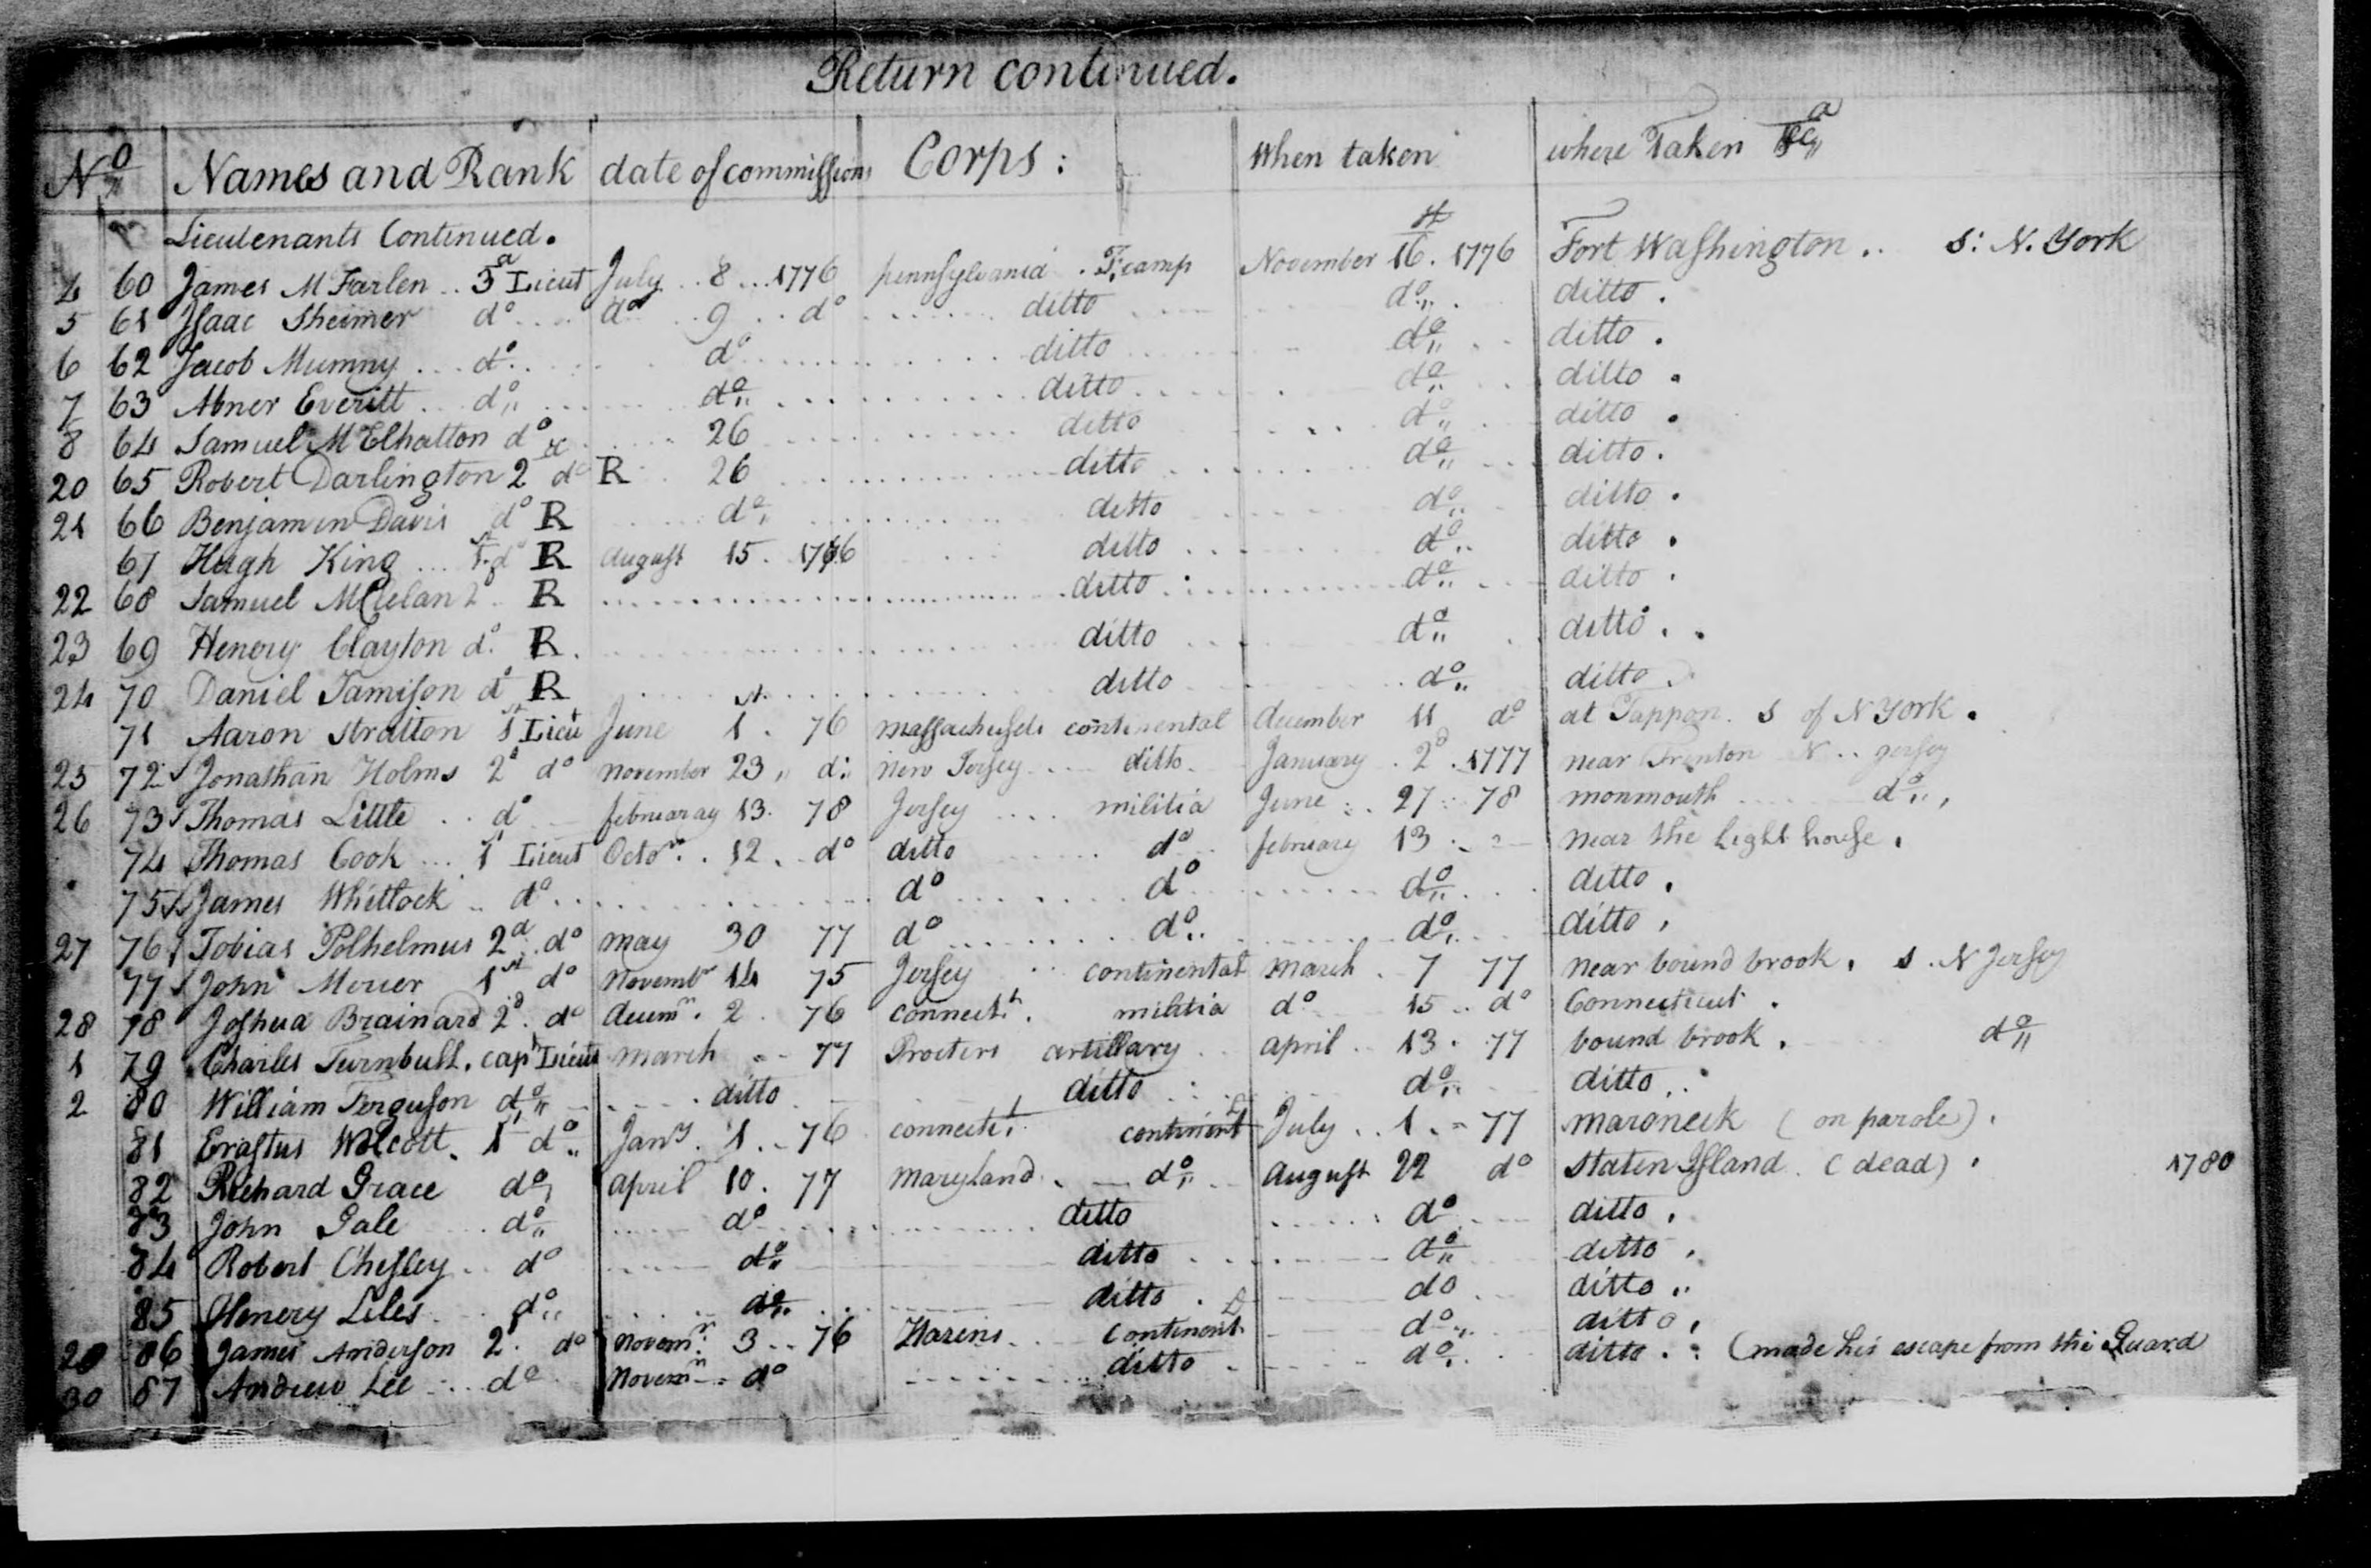Return continued. 
[column headings] No. Names and Rank. date of commission. Corps. When taken. where taken Tua.
Lieutenants continued. 
4 | 60 | James McFarlen 3d. Lieut | July 8..1776 | Pennsylvania F. camp | November 16th 1776 | Fort Washington..S: N. York
5 | 61 | Isaac Sheimer do | do 9 do| ditto | do | ditto. 
6 | 62 | Jacob Mummy do | do | ditto | do | ditto.
7 | 63 | Abner Everitt do | do | ditto | do | ditto. 
8 | 64 | Samuel McElhatton do | ..26..| ditto | do | ditto. 
20 | 65 | Robert Darlington 2d do R | ..26.. | ditto | do | ditto. 
21 | 66 | Benjamin Davis do R | do | ditto | do | ditto.
- | 67 | Hugh King 5 do R | August 15..1776 | ditto | do | ditto.
22 | 68 | Samuel McClelan do R | ... | ditto | do | ditto.
23 | 69 | Henery Clayton do R | .... | ditto | do | ditto. 
24 | 70 | Daniel Jamison do R | .... | ditto | do | ditto. 
- | 71 | Aaron Stratton 1st Lieut | June 1st, 76 | Massachusets continental | December 11 do | at Tappon S of N York.
25 | 72 | Jonathan Holms 2d do | November 23, do | New Jersey ditto | January 2d, 1777 | near Trenton N. Jersey.
26 | 73 | Thomas Little do | Februaray 13, 78 | Jersey militia | June 27, 78 | Monmouth..do.
- | 74 | Thomas Cook 1st Lieut | Octo. 12..do | ditto do | February 13 .. | near the light house.
- | 75 | James Whitlock do | ...| do do | do | ditto. 
27 | 76 | Tobias Polhelmus 2d. do | May 30 77 | do do | do | ditto. 
- | 77 | John Mercer 1st do | Novembr 14 75 | Jersey continental | March 7 77 | near bound brook.
28 | 78 | Joshua Brainard 2d. do | Decemr. 2 76 | Connectt. militia | do 15 do | Connecticut.
1 | 79 | Charles Turnbull Capt Lieut | March...77 | Procters Artillary | April 13, 77 | bound brook.
2 | 80 | William Ferguson do | ditto | ditto | do | ditto. 
- | 81 | Erastus Wolcott 1st do | Jany. 1, 76 | Connectct. continent | July 1, 77 | Maroneck (on parole).
- | 82 | Richard Grace do | April 10, 77| Maryland do | August 22 do | Staten Island (dead). 1780
- | 83 | John Gale do | do | ditto | do | ditto. 
- | 84 | Robert Chesley do | do | ditto | do | ditto. 
- | 85 | Henery Liles do | do | ditto | do | ditto.
20 | 86 | James Anderson 2d. do | Novemr. 3, 76 | Harens continent. | do | ditto.
30 | 87 | Andrew Lee do | Novemr. do | ditto | do | ditto. (made his escape from the Guard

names: Hugh King, James Whitlock, Aaron Stratton, Richard Grace, John Morier, Robert Darlington, Henery Liles, Charles Turnbull, James Anderson, Andrew Lee, Jonathan Holms, Thomas Little, Tobias Polhelmus, Samuel Mc Cleland, Henery Clayton, Daniel Tamison, Thomas Cook, Jacob Mumny, Abner Everitt, William Ferguson, James Mc Farlen, Benjamin Davis, Samuel Mc Elhatton, Erastus Wolcott, Robert Chesley, Isaac Shumer, John Gale, Joshua Brainard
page: 25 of 57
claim: survivor's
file: S. 2161, Hezekiah Davies, Penn